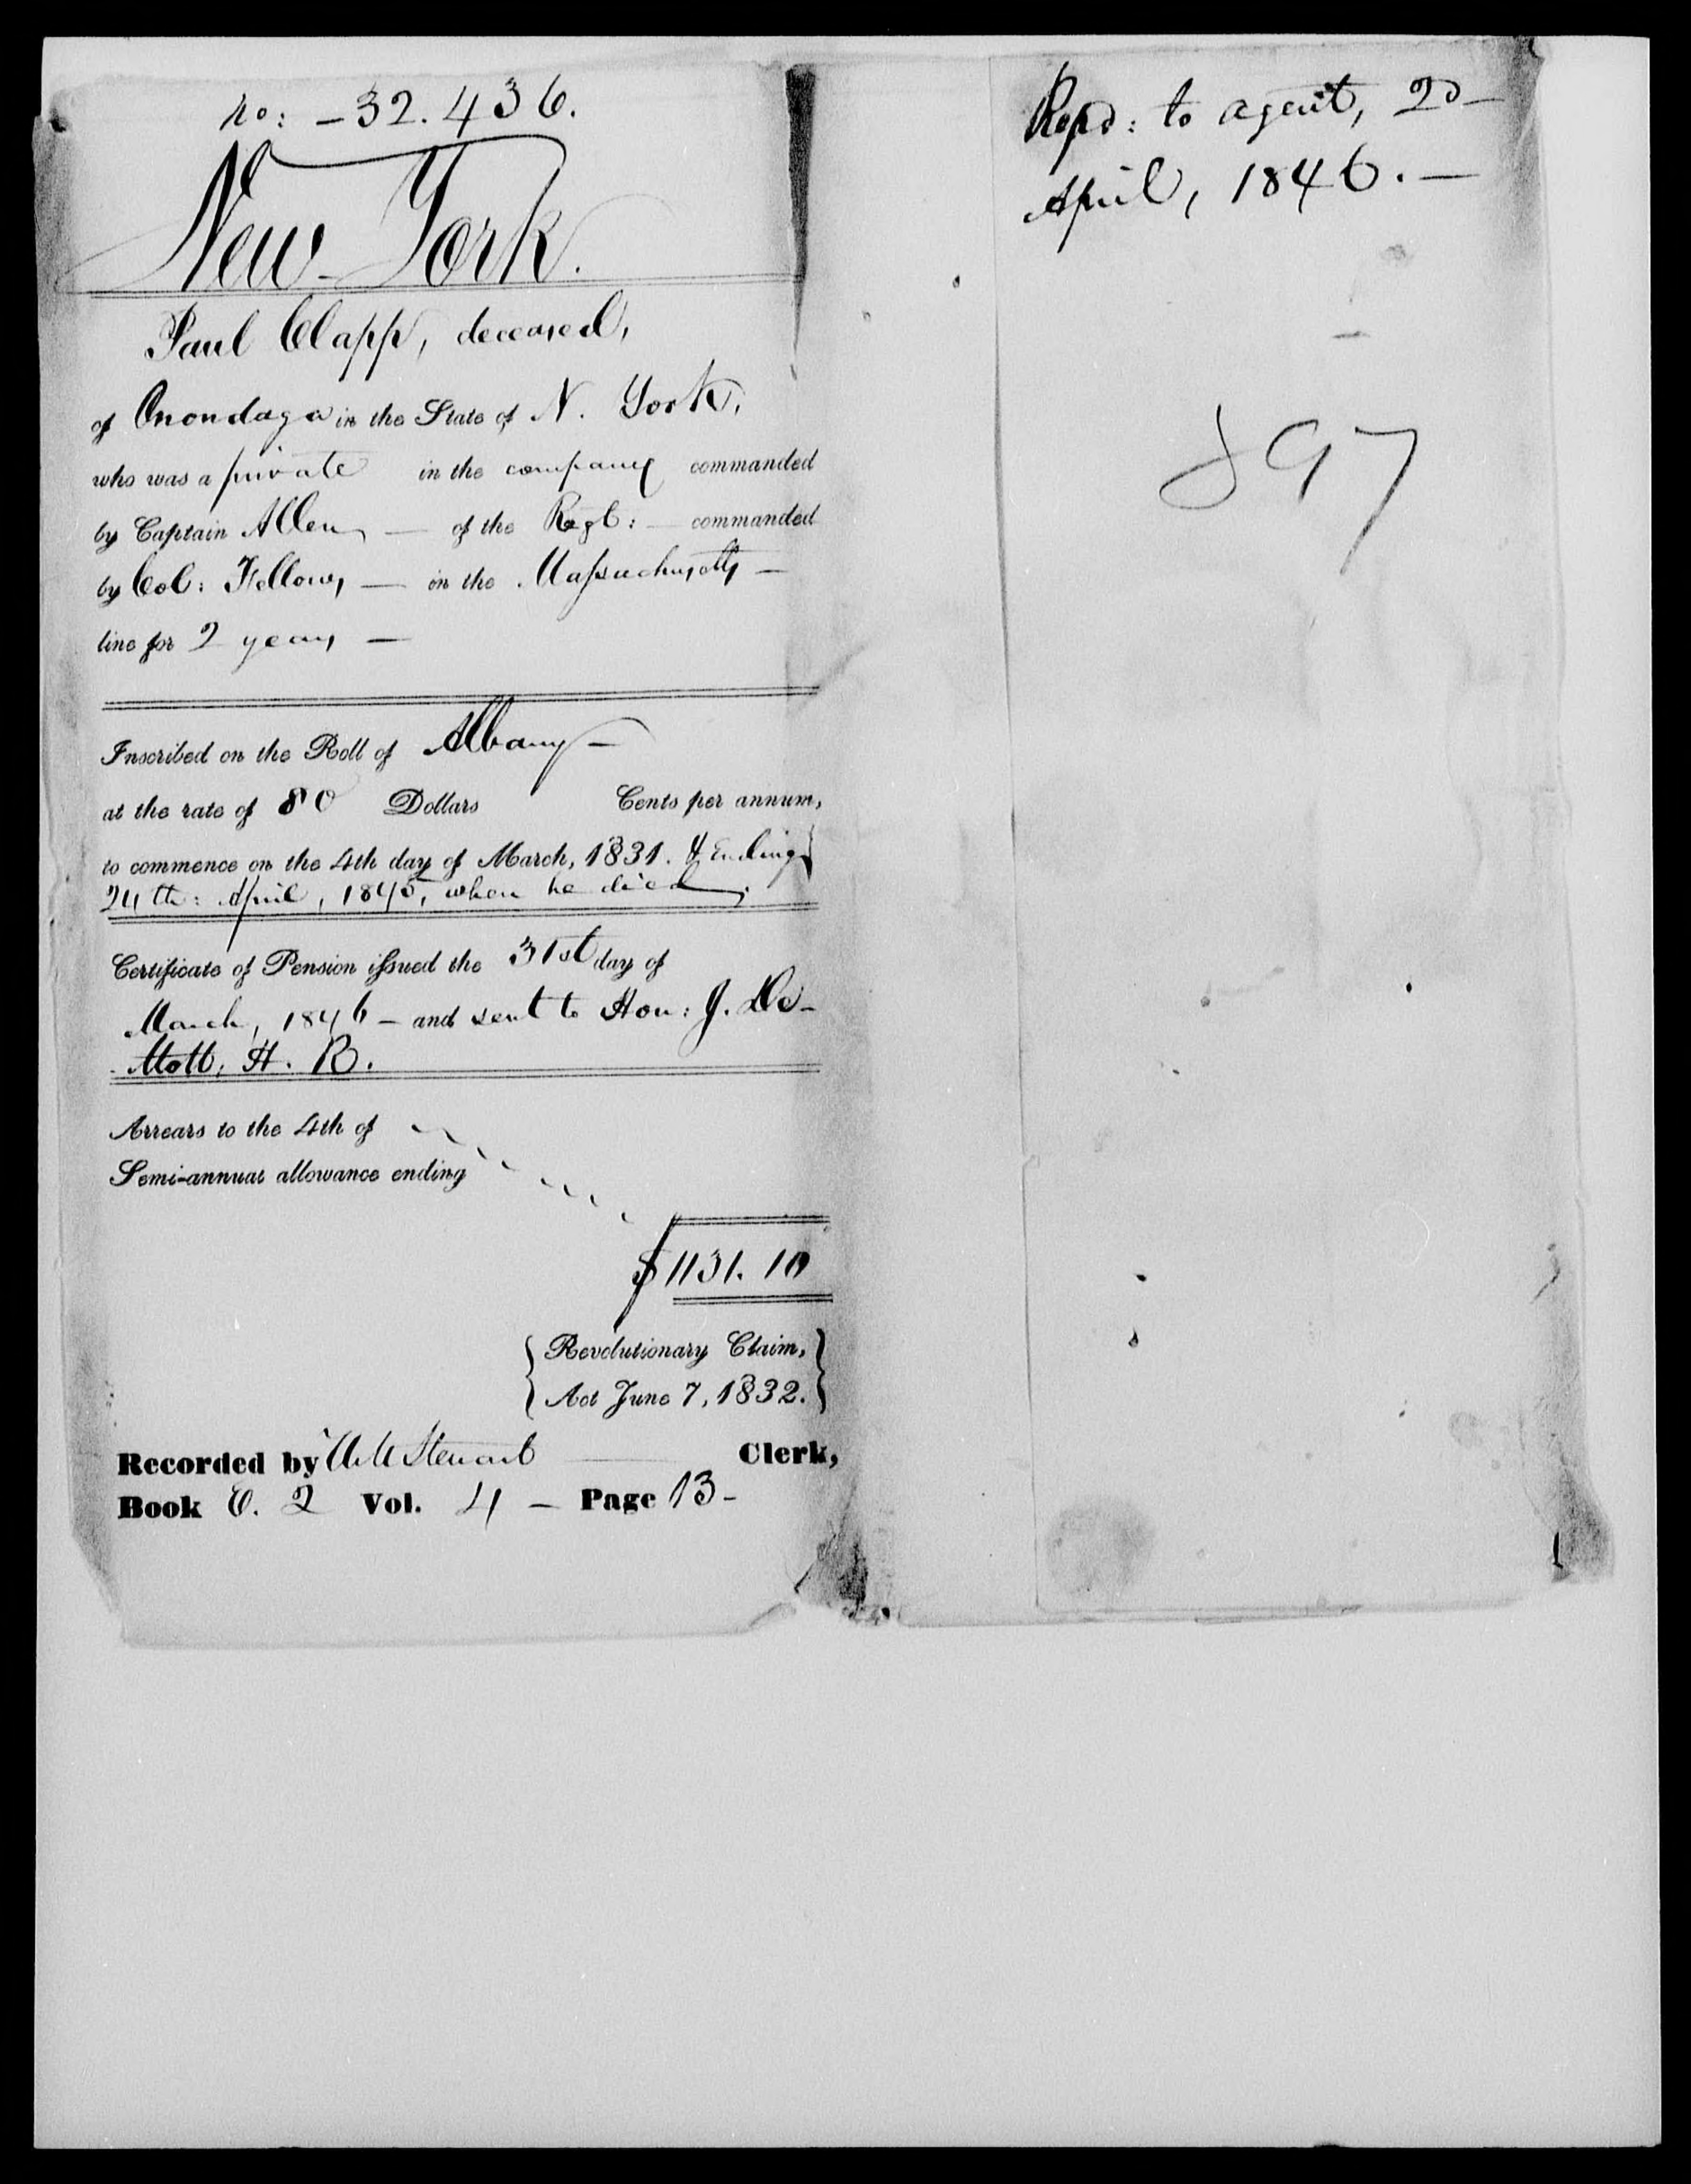No: - 32.436.
New York
Paul Clapp, deceased, of Onondaga in the State of N. York who was a private in the company commanded by Captain Allen of the Regt. commanded by Col. Fellows in the Massachusetts line for 2 years -
Inscribed on the Roll of Albany at the rate of 80 Dollars    Cents per annum, to commence on the 4th day of March, 1831. & Ending 24th April, 1845, when he died
Certificate of Pension issued the 31st day of March, 1846 and sent to Hon. J. DeMott, H. R.
Arrears to the 4th of --------
Semi-annual allowance ending 

______
$1151.10

{Revolutionary Claim, Act June 7, 1832.}
Recorded by MM Stewart Clerk, 
Book E. 2  Vol. 4. Page 13

Rep'd to agent 20 April, 1846. -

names: M M Stewart, Paul Clapp, Allen, J De Mott, Fellows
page: 2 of 42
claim: survivor's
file: S. 29078, Paul Clapp, Mass.